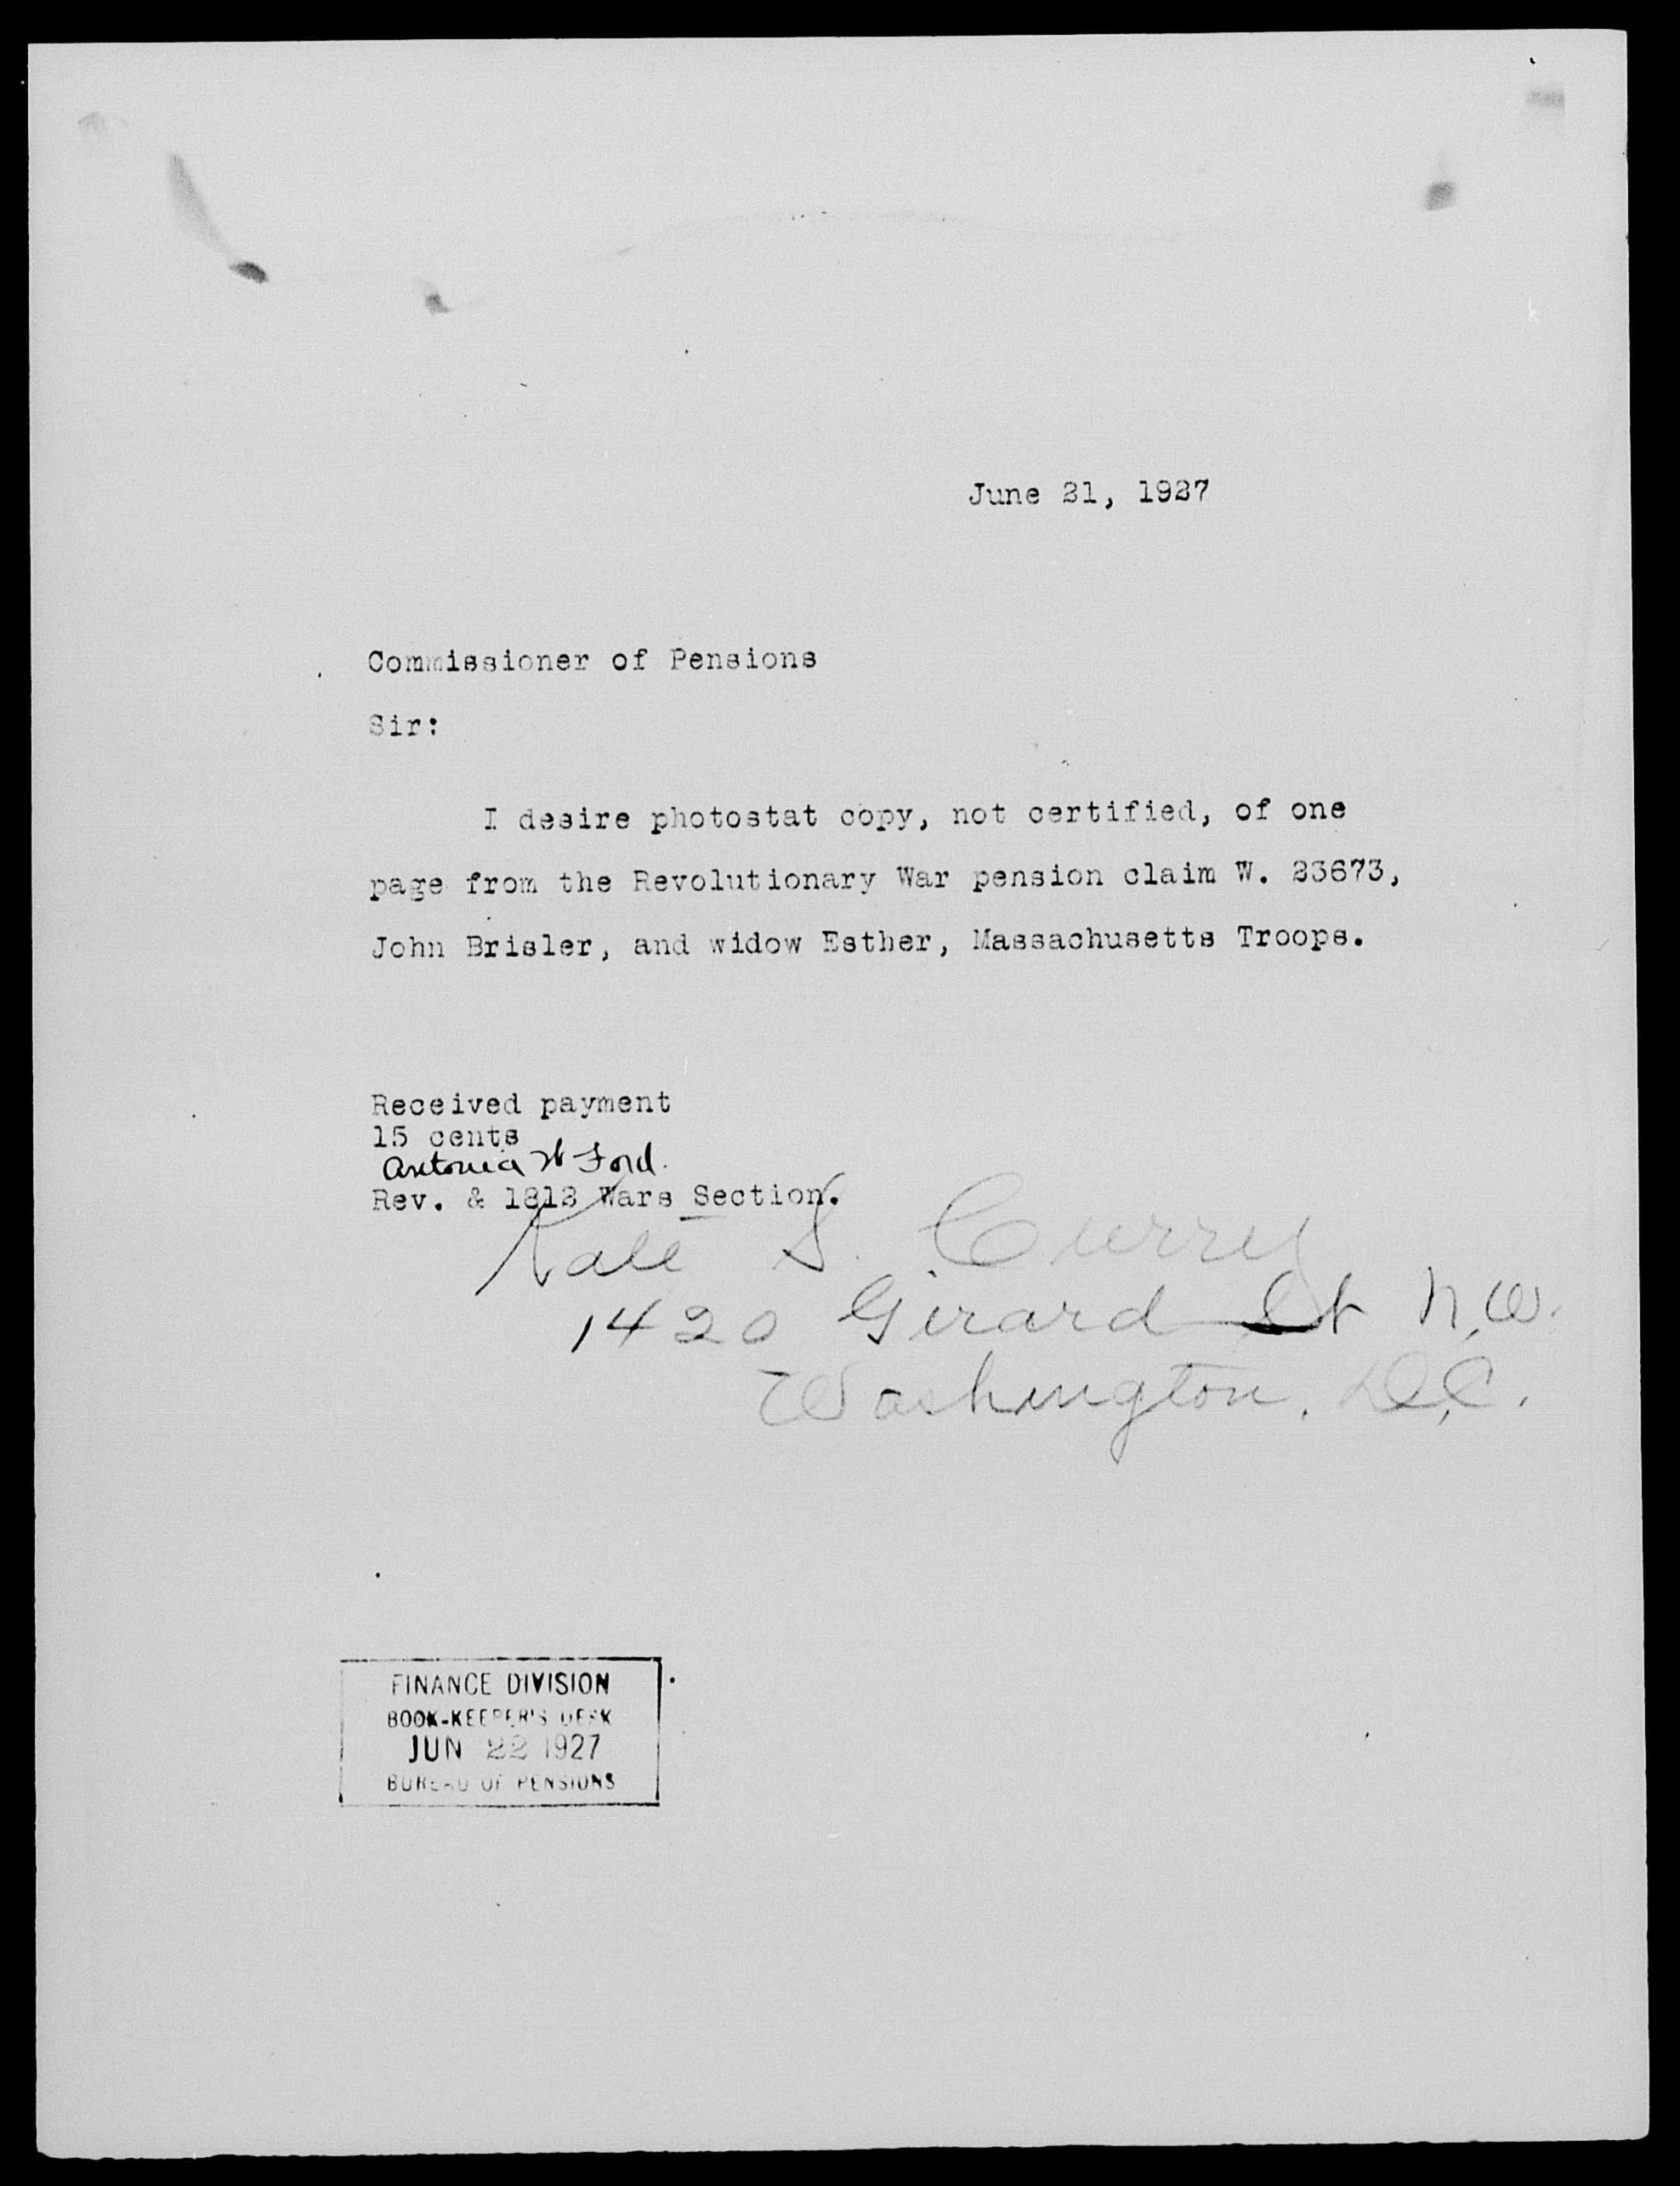June 21, 1927
Commissioner of Pensions
Sir: 
I desire photostat copy, not certified, of one page from the Revolutionary War pension Claim W. 23673, John Brisler, and widow Esther, Massachusetts Troops. 

Received payment 15 cents 
Antonia W. Ford 
Rev. and 1813 Wars Section. 
Kate S. Curry 
1420 Girard St. N.W. 
Washington , D.C. 

FINANCE DIVISION 
Book - keeper's [illegible]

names: Esther, John Brisler, Antonia W Ford, Kate S Curry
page: 46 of 46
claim: widow's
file: W. 23,673, John Brisler, Mass.